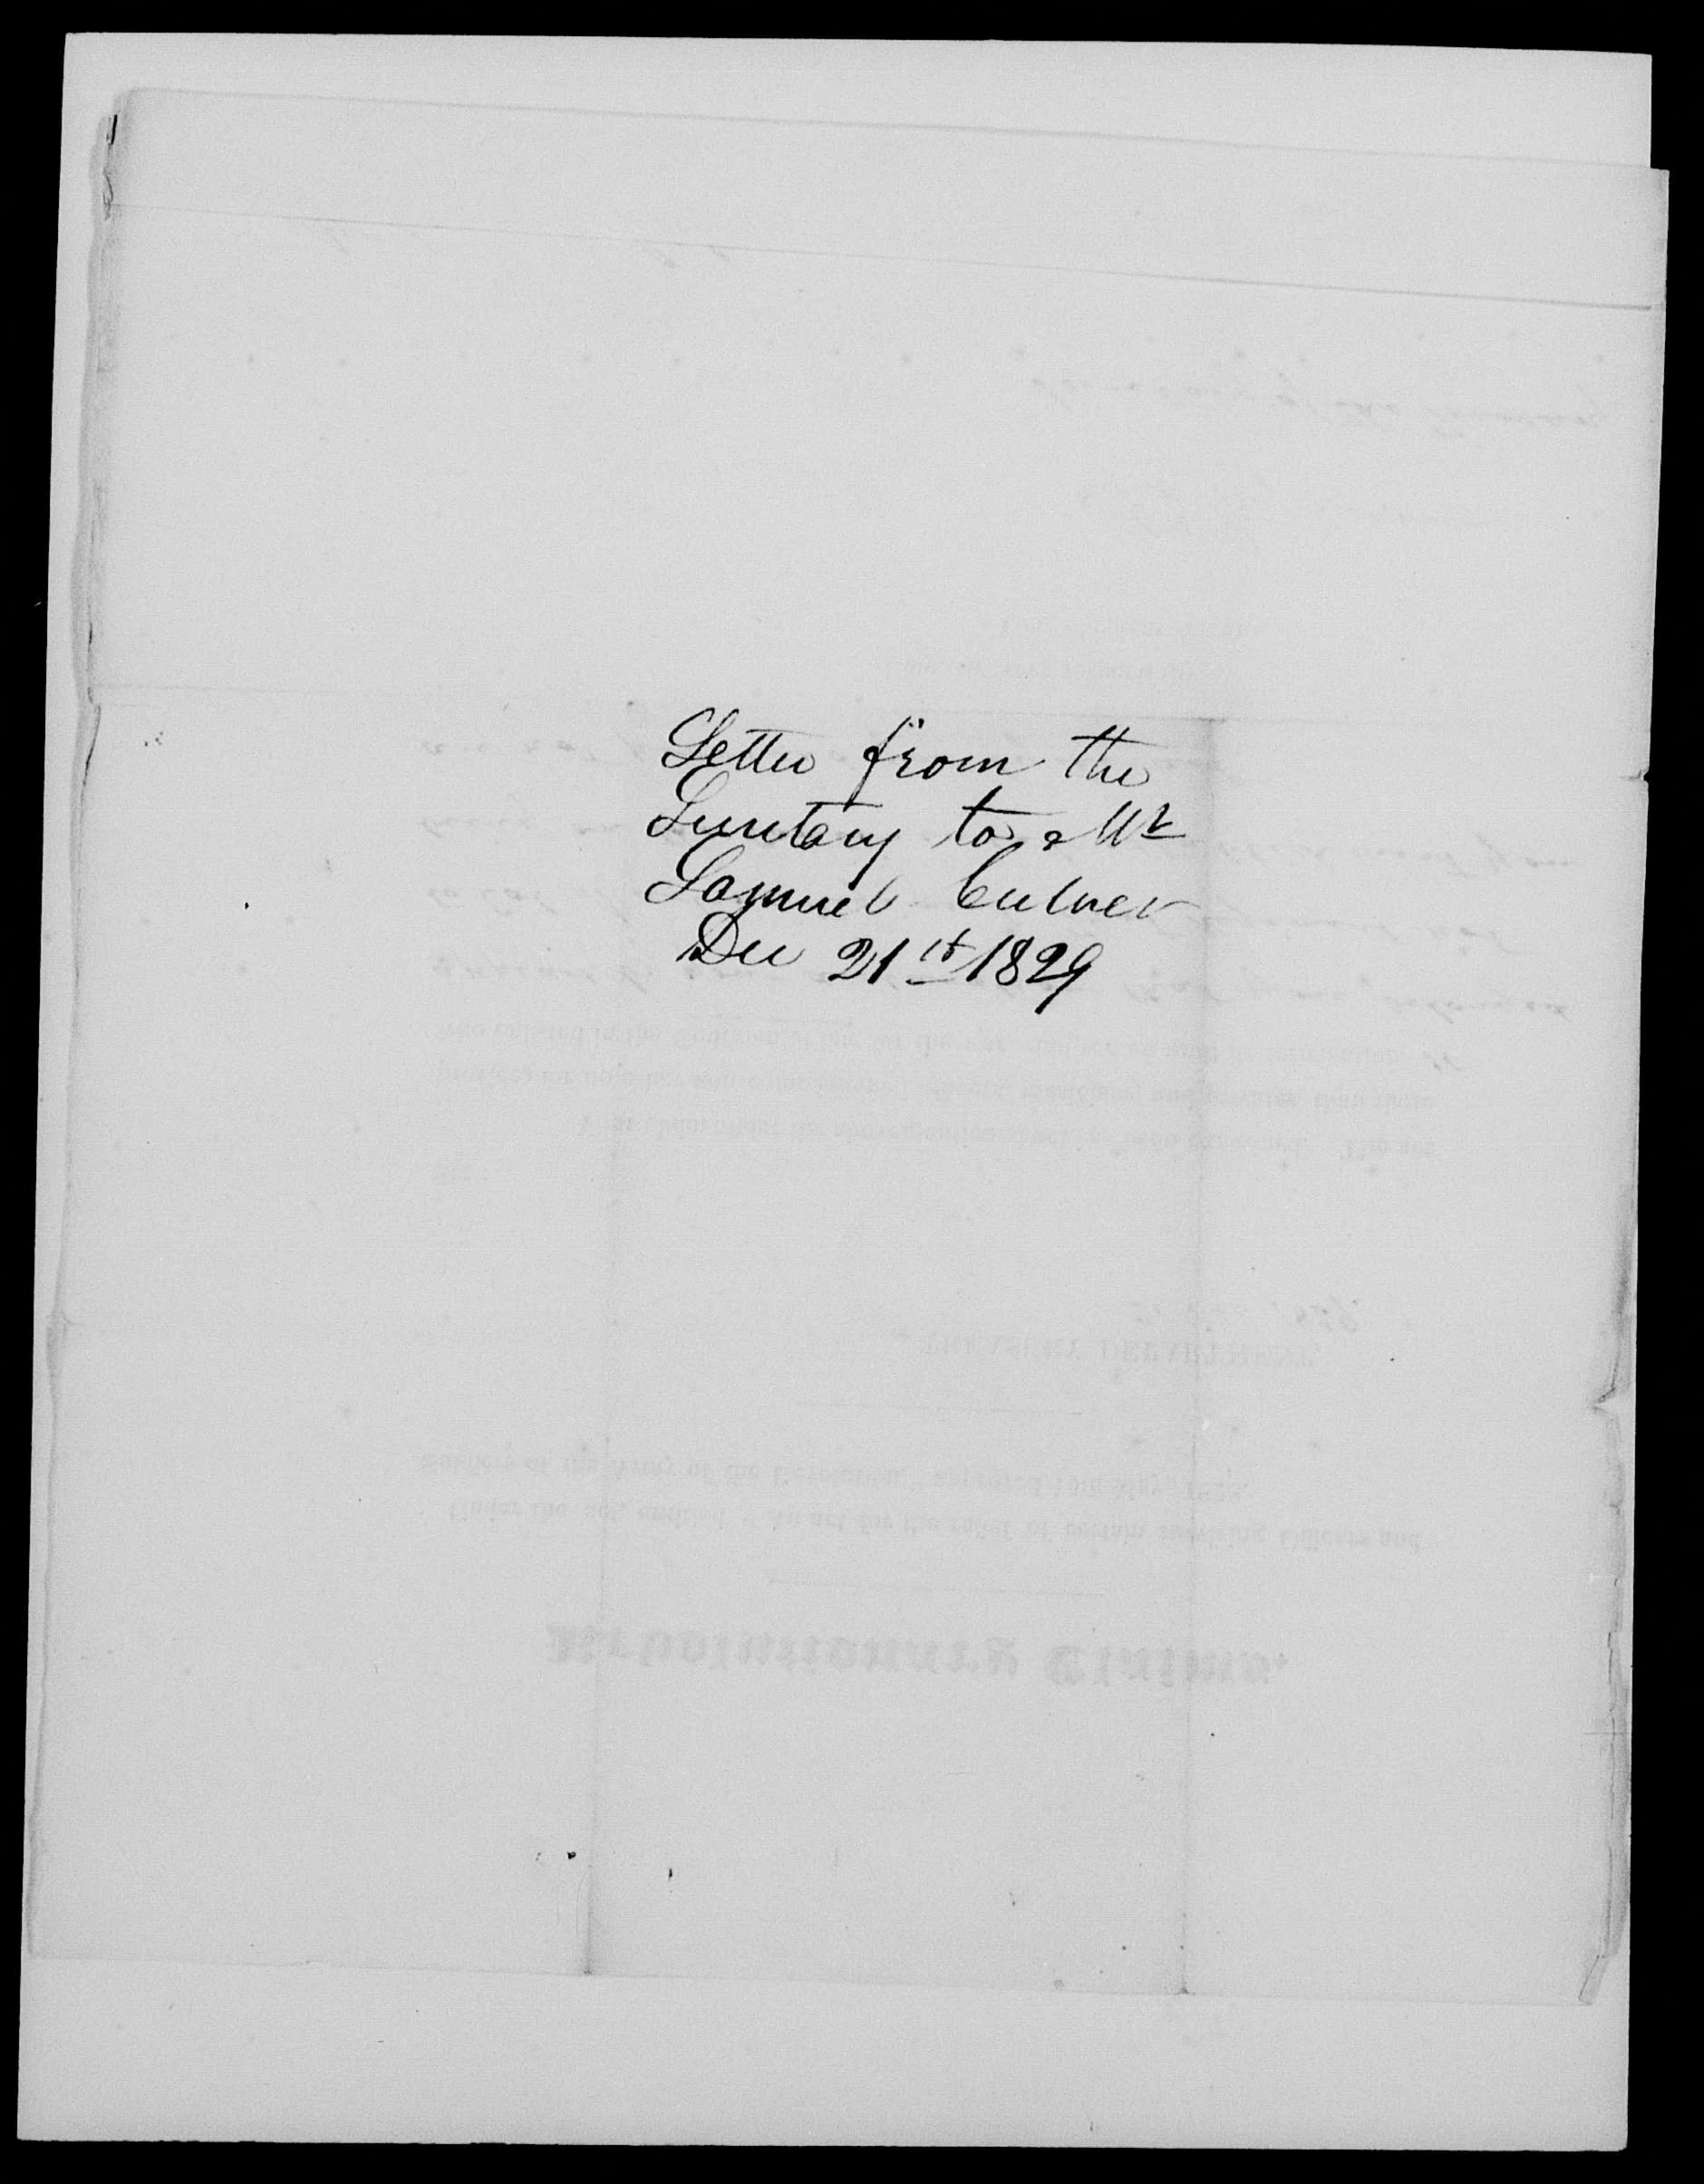Letter from the
Secretary to Mr
Samuel Culver 
Dec 21st 1829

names: Samuel Culver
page: 25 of 40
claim: rejected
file: R. 1,570, Samuel Culver, New Jersey